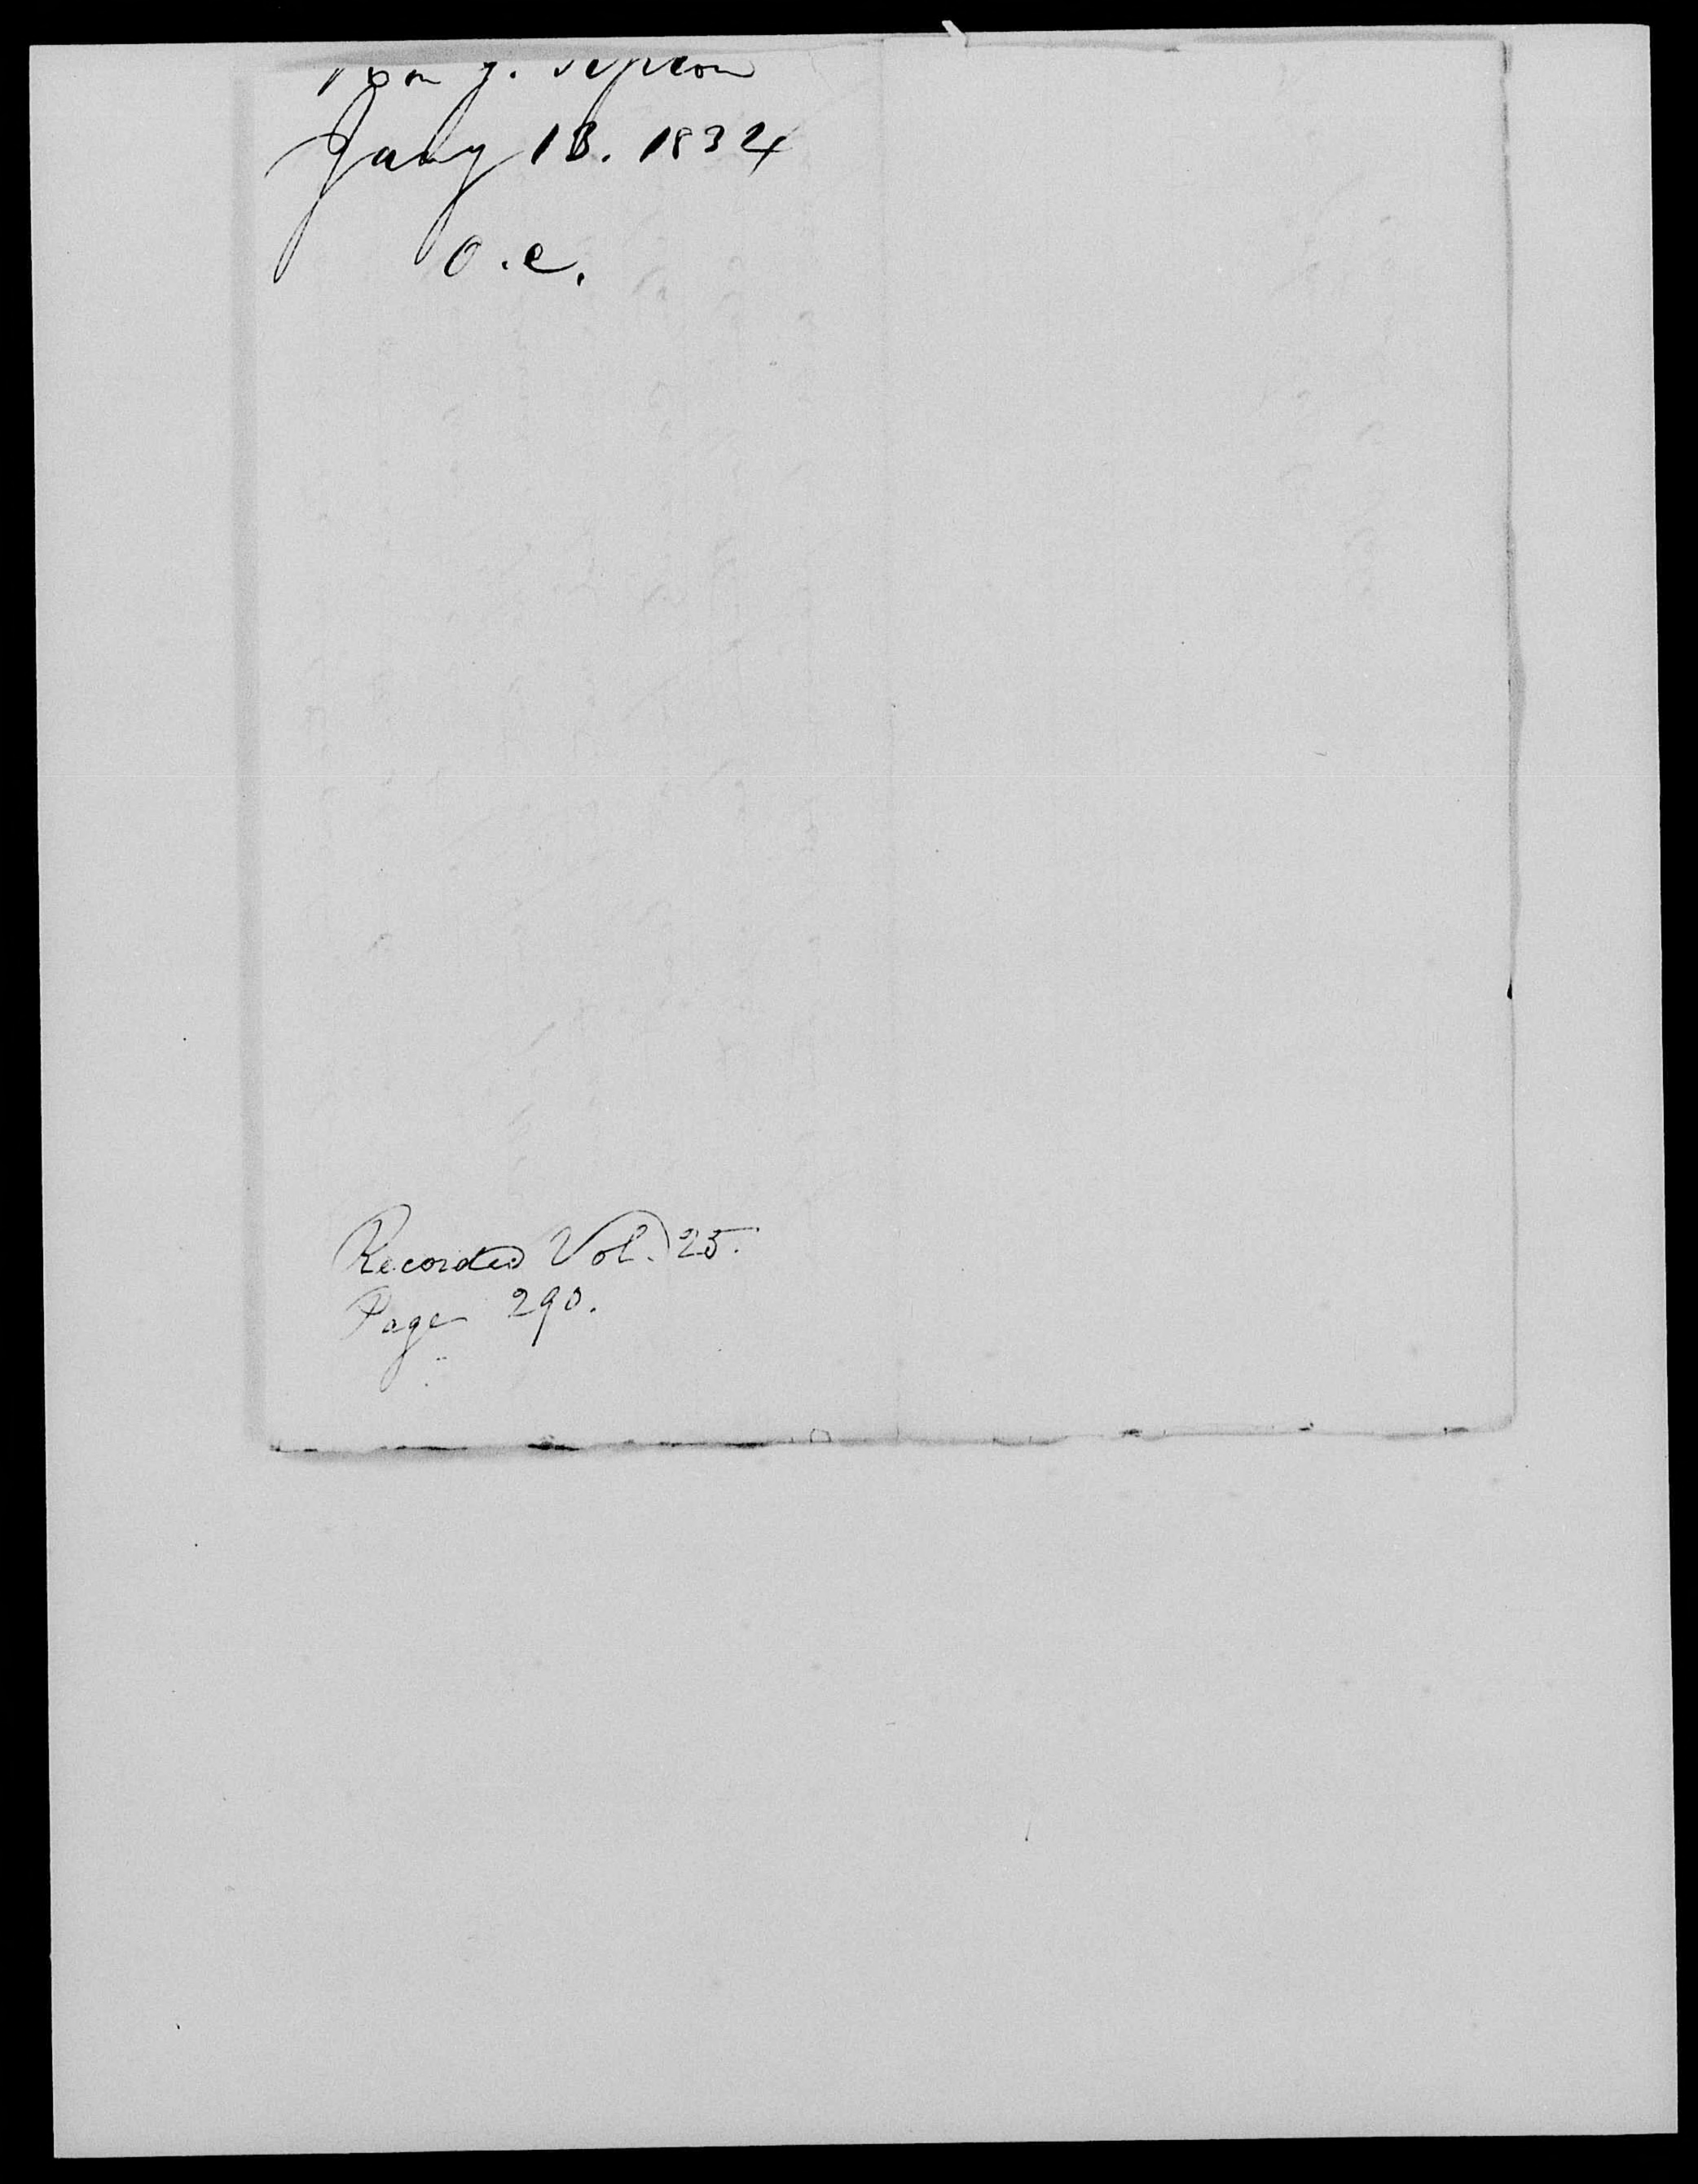Hon J Tipton
Jany 13, 1834
D.C.

Recorded Vol 25
Page 290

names: J Tipton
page: 22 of 23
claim: rejected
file: R. 6533, for Jacob Luther, Maryland